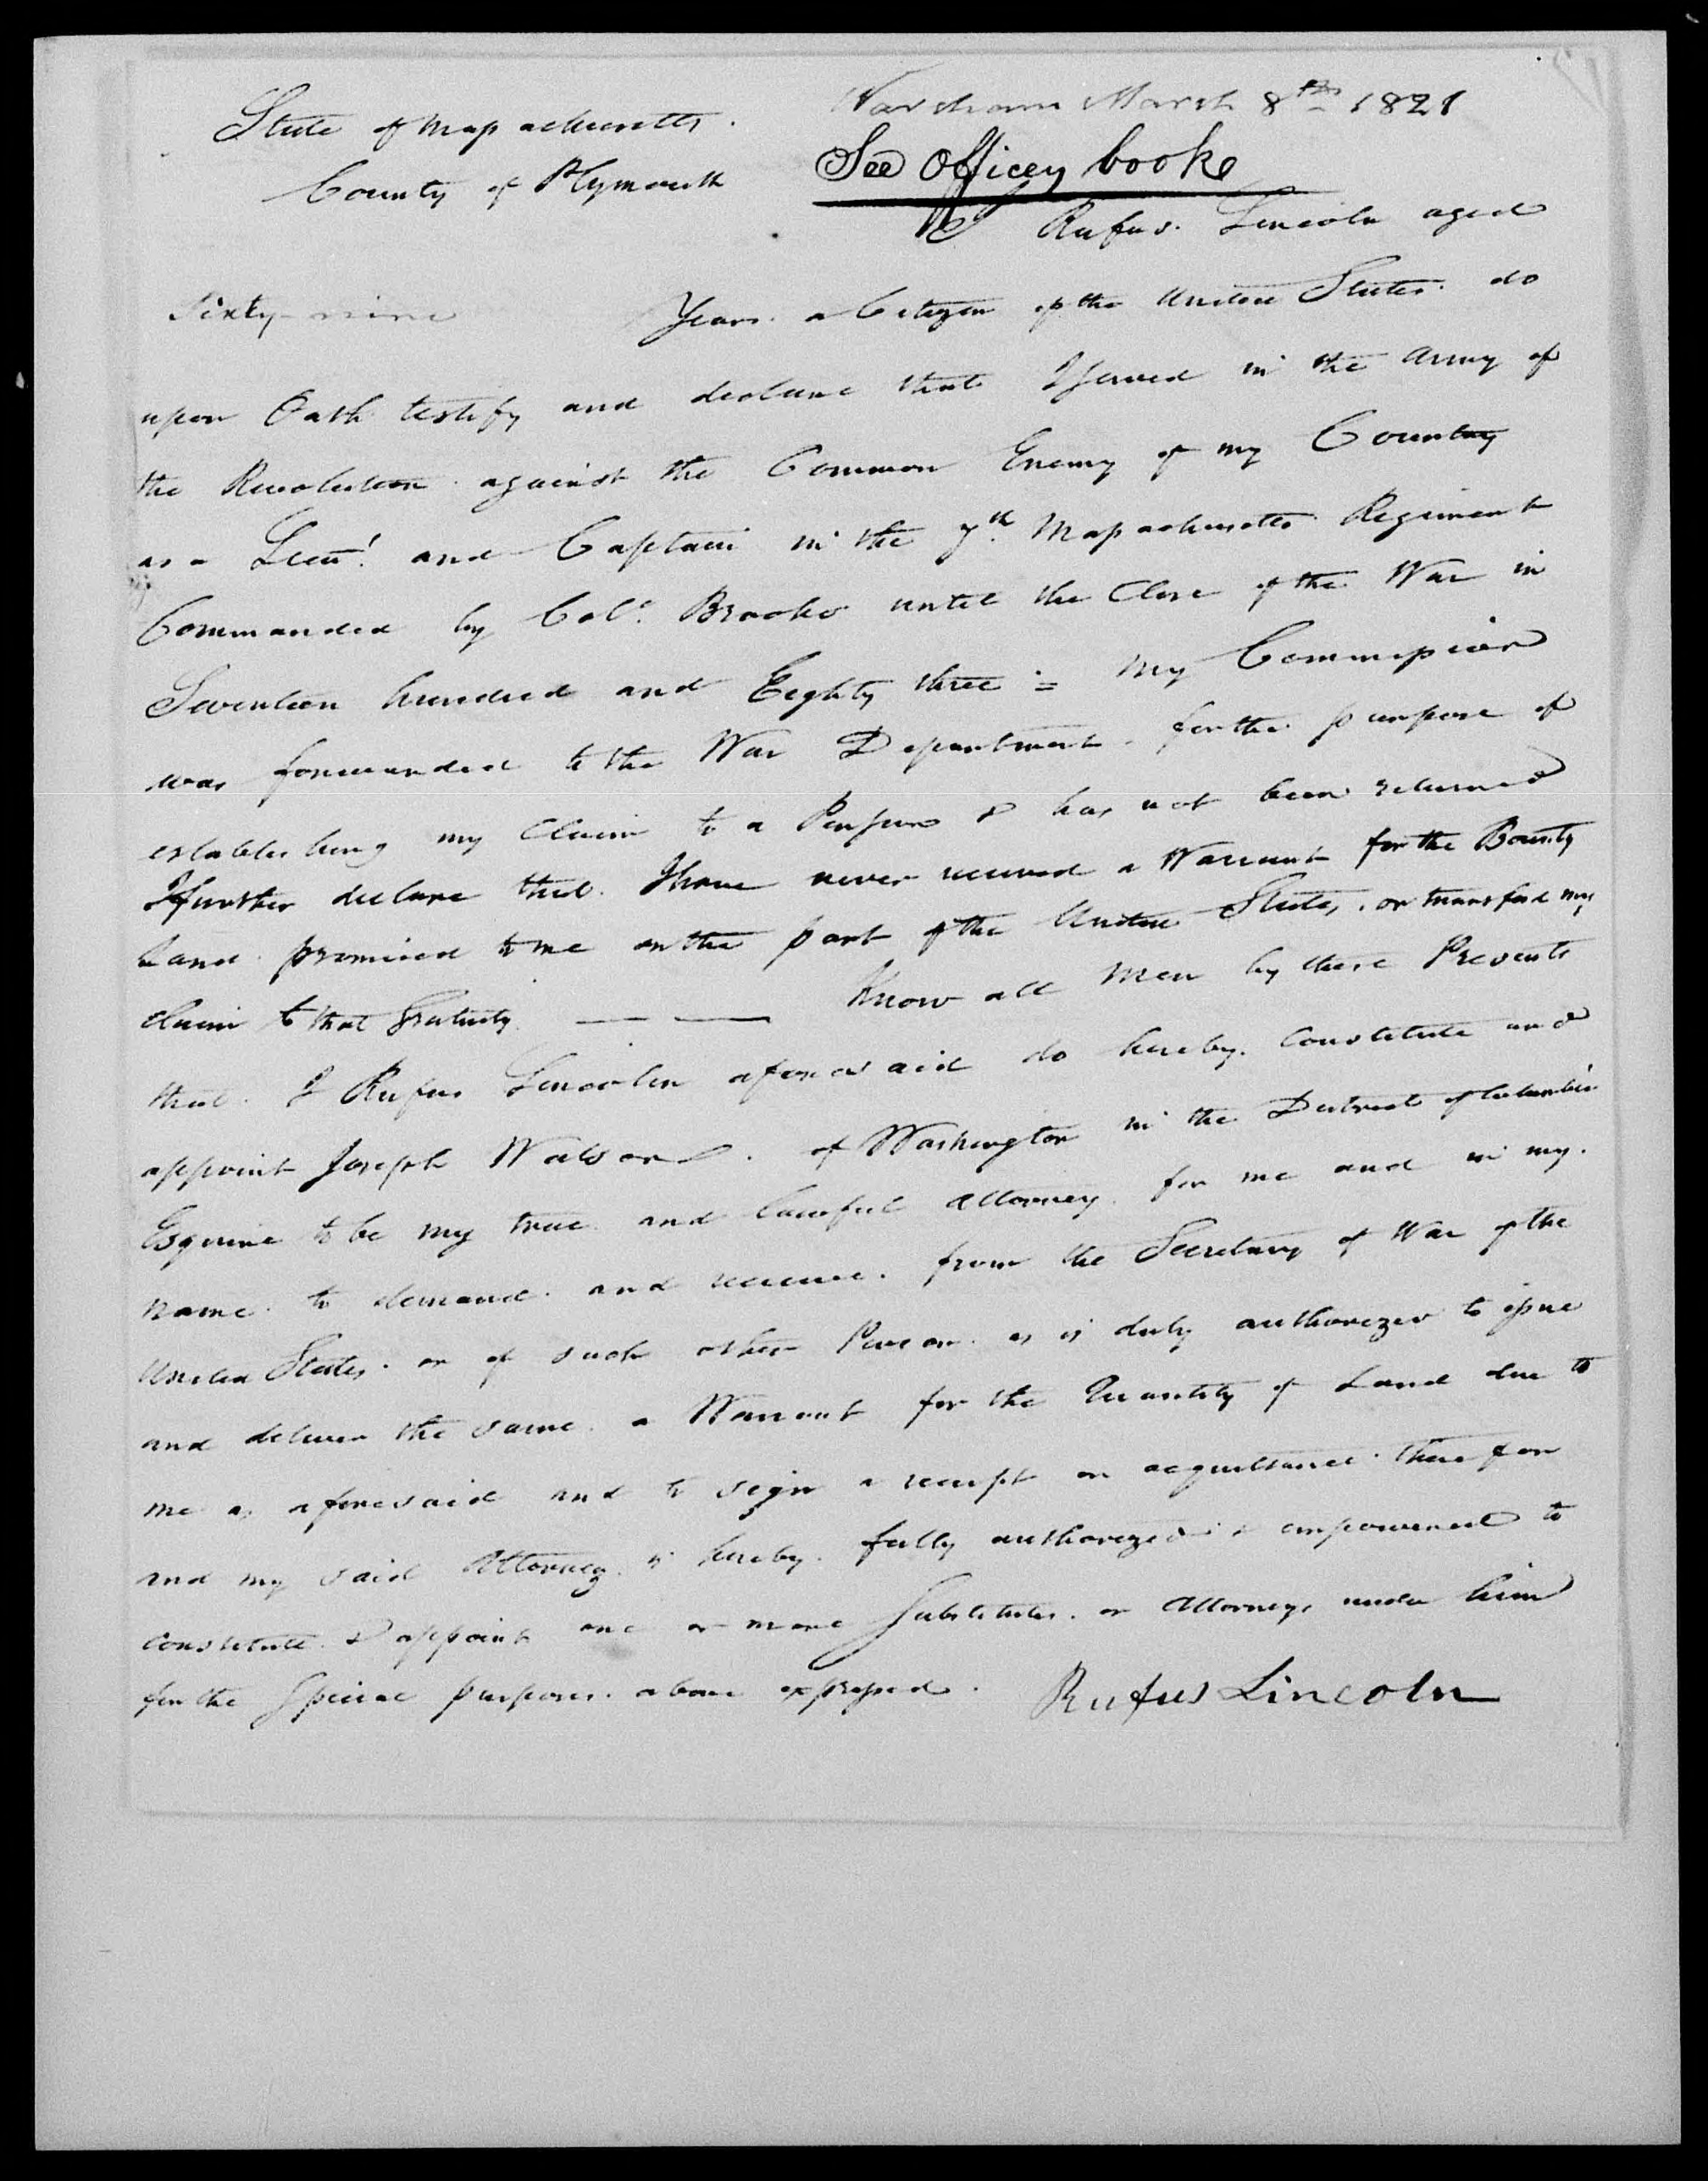State of Massachusetts
County of Plymouth

Wareham March 8th 1821
See office book  Re Rufus Lincoln

I Rufus Lincoln aged Sixty -nine years a Citizen of the United States do upon Oath testify
and declare that I served in the Army of
the Revolution against the Common Enemy
of my Country as Lieu't and Captain in the 7th Massachusetts Regiment Commanded by Col Brook until the close of the War in Seventeen hundred and Eighty three-
My Commission was forwarded to the War Department for the purpose of establishing my claim to a pensions & has not been returned
I further declare that I have never received a Warrant for the Bounty Land promised to me on the part of the United States, or transformed my claim to that gratuity______
know all men by these Presents that
I Rufus Lincoln aforesaid do hereby constitute and appoint Joseph Watson of Washington in the District of Columbia, Esquire to be my true and lawful attorney for me and in my name
to demand and receive from the Secretary of War of the United States or of such other Person as is duly authorized to accept
and deliver the same - Warrant for the quantity of Land due to me as aforesaid and to sign a receipt an acquittance therefore
and my said Attorney hereby fully authorized & empowered to constitute & appoint one or name substitutes or attorneys under him
for the special purposes above expressed
Rufus Lincoln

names: [BLANK] Brooks; Joseph Watson; Rufus Lincoln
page: 24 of 82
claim: widow's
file: W. 13,634, for Rufus Lincoln, Massachusetts